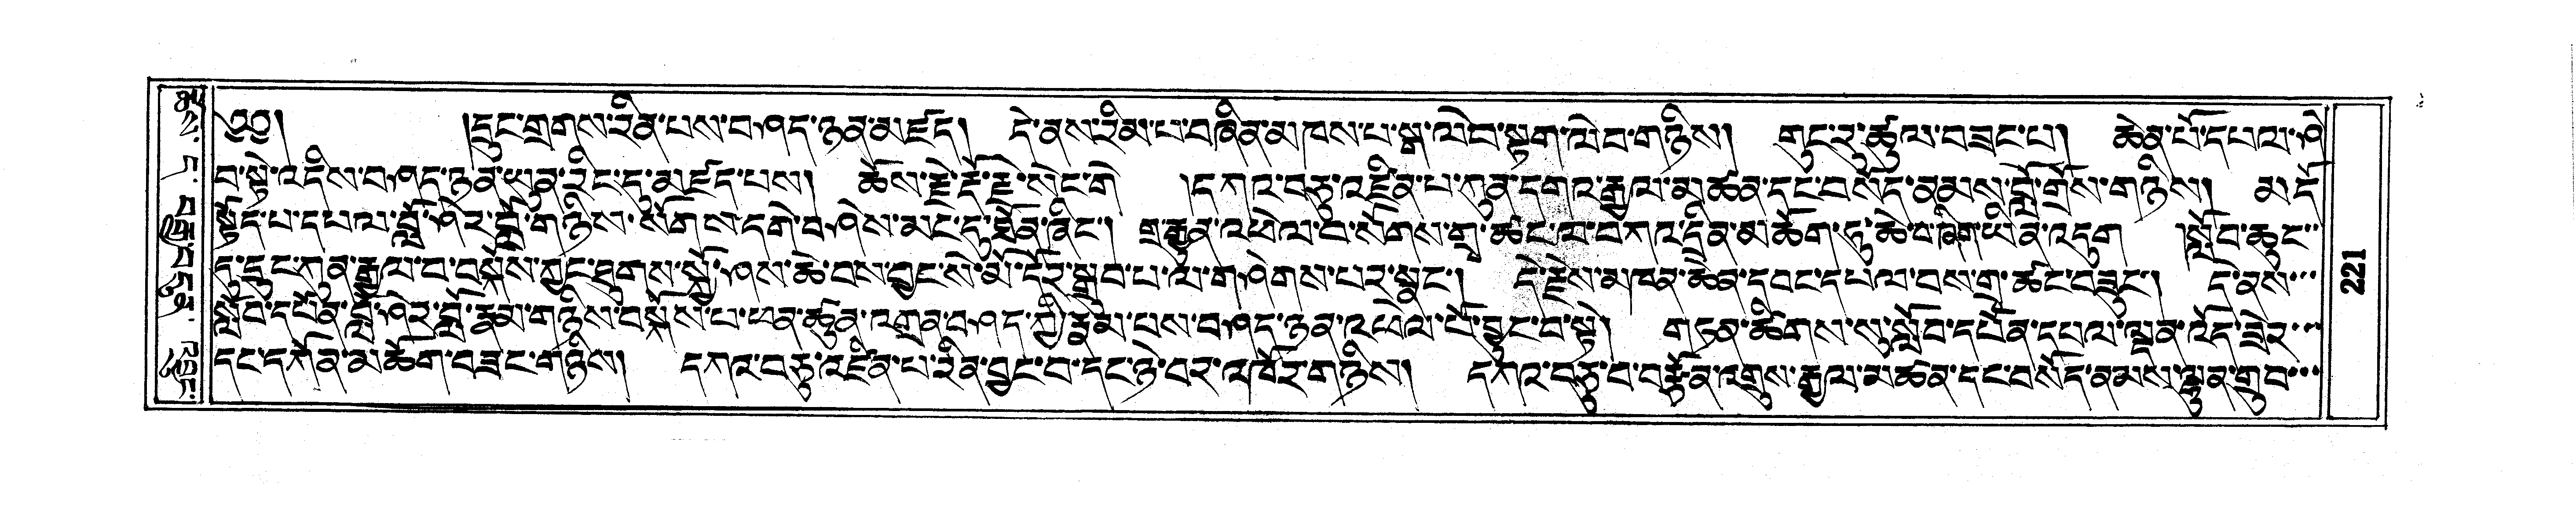༄༅། །དྲུང་གྲགས་རིན་པས་བཤད་ཉན་མཛད། དེ་ནས་རིམ་པ་བཞིན་མཁས་པ་སྒ་ལེབ་སྟག་ལེབ་གཉིས། གུང་རུ་ཚུལ་བཟང་པ། ཆེན་པོ་དཔལ་ཤེ་
བ་སྟེ་འདིས་བཤད་ཉན་ཡུན་རིང་དུ་མཛད་པས། ཆོས་རྗེ་རྡོ་རྗེ་སེང་གེ །དཀའ་བཅུ་འཛིན་པ་ཀུན་དགའ་རྒྱལ་མཚན་དང་བསོད་ནམས་བློ་གྲོས་གཉིས། མདོ་
སྟོད་པ་དཔལ་བློ་ཤེར་བློ་གཉིས་སོགས་དགེ་བཤེས་མང་དུ་ཐོན་ཞིང་། གྲ་རྒྱུན་འཕེལ་བ་སོགས་གྲྭ་ཚང་ལ་བཀའ་དྲིན་མཆོག་ཏུ་ཆེ་བ་ཞིག་ཡིན་འདུག །སློབ་ཆུང་
དུ་དྲུང་ཀུན་རྒྱལ་བ་བསྐོས་ཀྱང་ཐུགས་སྐྱོ་ཤས་ཆེ་བས་བྱང་སེ་མོ་དོར་སྒྲུབ་པ་ལ་གཤེགས་པར་སྣང་། དེ་རྗེས་མཁན་ཆེན་དབང་དཔལ་བས་གྲྭ་ཚང་བཟུང་། དེ་ནས་
སློབ་དཔོན་བློ་ཤེར་བློ་རྣམ་གཉིས་བསྐོས་པ་ཕན་ཚུན་འགྲན་བཤད་ཀྱི་རྣམ་པས་བཤད་ཉན་འཕེལ་པོ་བྱུང་བ་སྟེ། གཏན་ཚིགས་སུ་སློབ་དཔོན་དཔལ་ལྡན་འོད་ཟེར་
དང་དཀོན་མཆོག་བཟང་གཉིས། དཀའ་བཅུ་འཛིན་པ་རིན་བྱང་བ་དང་ཉེ་བར་འཁོར་གཉིས། དཀའ་བཅུ་བ་བརྩོན་འགྲུས་རྒྱལ་མཚན་དང་བསོད་ནམས་ལྷུན་གྲུབ་